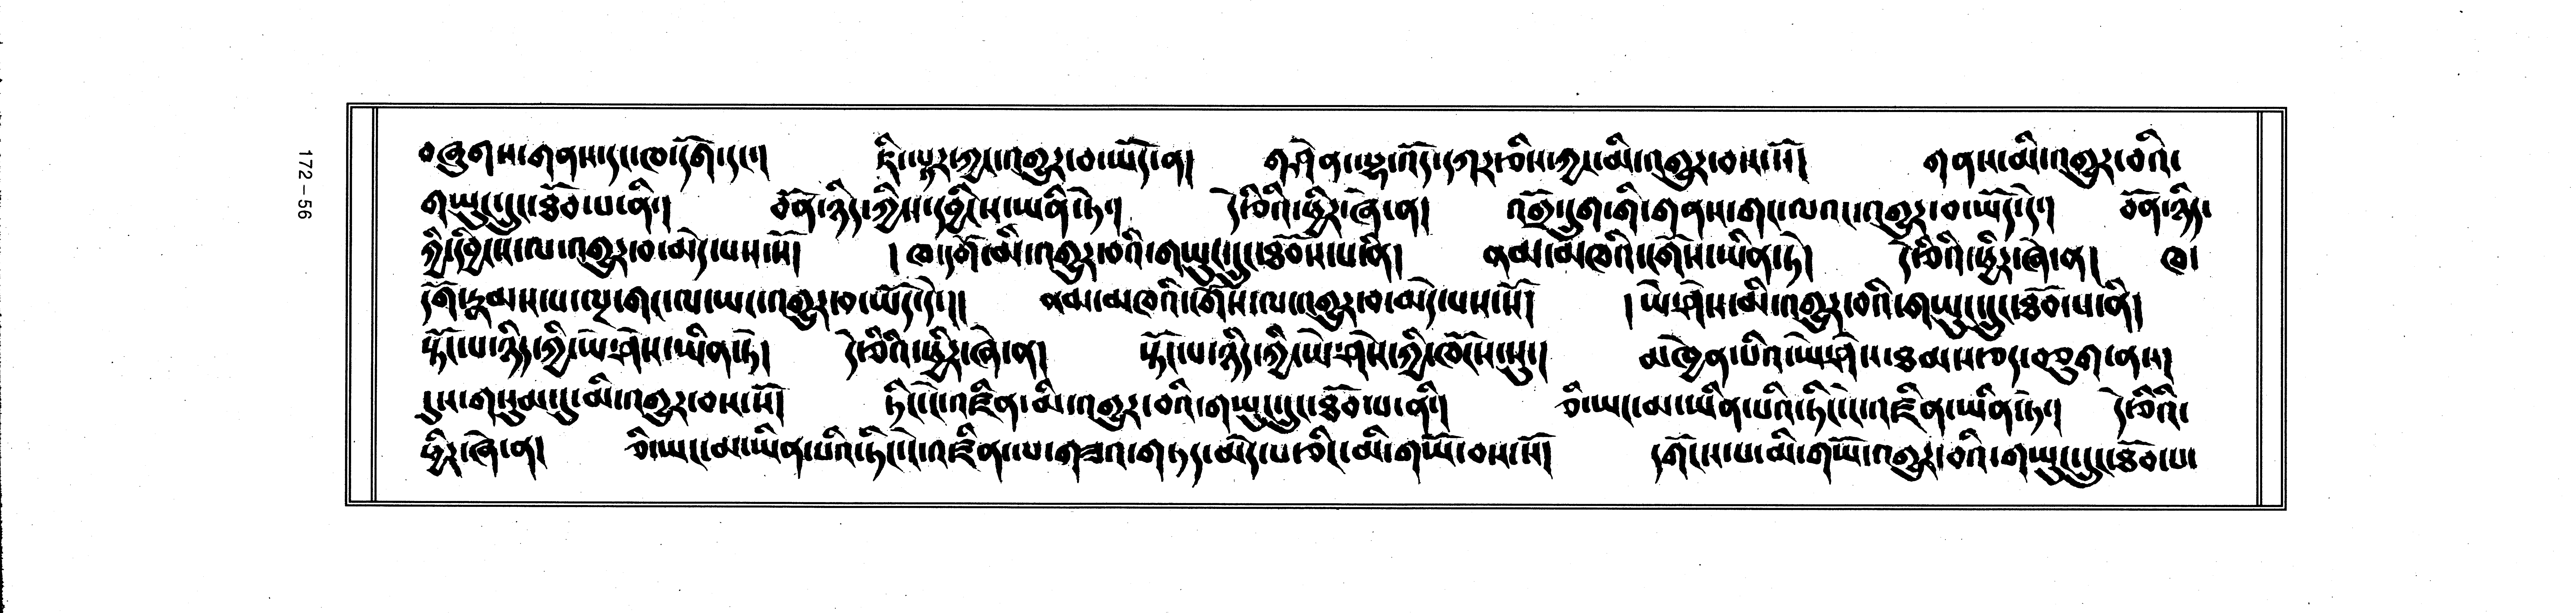བཞུགས་གནས་དང་ཁ་དོག་དང་། ཇི་ལྟར་ཀྱང་འགྱུར་བ་ཡོད་ན། གཤེན་ལྷ་འོད་དཀར་ཅིས་ཀྱང་མི་འགྱུར་བས་སོ། གནས་མི་འགྱུར་བའི་
གཡུང་དྲུང་ཐོབས་པ་ནི། བོན་ཉིད་ཀྱིས་དབྱིངས་ཡིན་ཏེ། དེ་ཅིའི་ཕྱིར་ཞེ་ན། འགྲོ་དྲུག་གི་གནས་གང་ལ་འང་འགྱུར་བ་ཡོད་དེ། བོན་ཉིད་
ཀྱི་དབྱིངས་ལ་འགྱུར་བ་མེད་པས་སོ། ཁ་དོག་མི་འགྱུར་བའི་གཡུང་དྲུང་ཐོབས་པ་ནི། ནམ་མཁའི་ངོགས་ཡིན་ཏེ། དེ་ཅིའི་ཕྱིར་ཞེ་ན། ཁ་
དོག་རྣམས་པ་ལྔ་གང་ལ་ཡང་འགྱུར་བ་ཡོད་དེ། ནམ་མཁའི་ངོགས་ལ་འགྱུར་བ་མེད་པས་སོ། ཡེ་ཤེས་མི་འགྱུར་བའི་གཡུང་དྲུང་ཐོབས་པ་ནི། 
སྟོང་པ་ཉིད་ཀྱི་ཡེ་ཤེས་ཡིན་ཏེ། དེ་ཅིའི་ཕྱིར་ཞེ་ན། སྟོང་པ་ཉིད་ཀྱི་ཡེ་ཤེས་ཀྱི་ཁོངས་སུ། མཁྱེན་པའི་ཡེ་ཤིས་ཐམས་ཅད་བཅུག་ནས། 
དུས་གསུམ་དུ་མི་འགྱུར་བས་སོ། ཏིང་ངེ་འཛིན་མི་འགྱུར་བའི་གཡུང་དྲུང་ཐོབས་པ་ནི། ཅི་ཡང་མ་ཡིན་པའི་ཏིང་ངེ་འཛིན་ཡིན་ཏེ། དེ་ཅིའི་
ཕྱིར་ཞེ་ན། ཅི་ཡང་མ་ཡིན་པའི་ཏིང་ངེ་འཛིན་ལ་གཟའ་གཏད་མེད་ཅིང་མི་གཡོ་བས་སོ། དགོངས་པ་མི་གཡོ་མི་འགྱུར་བའི་གཡུང་དྲུང་ཐོབ་པ་